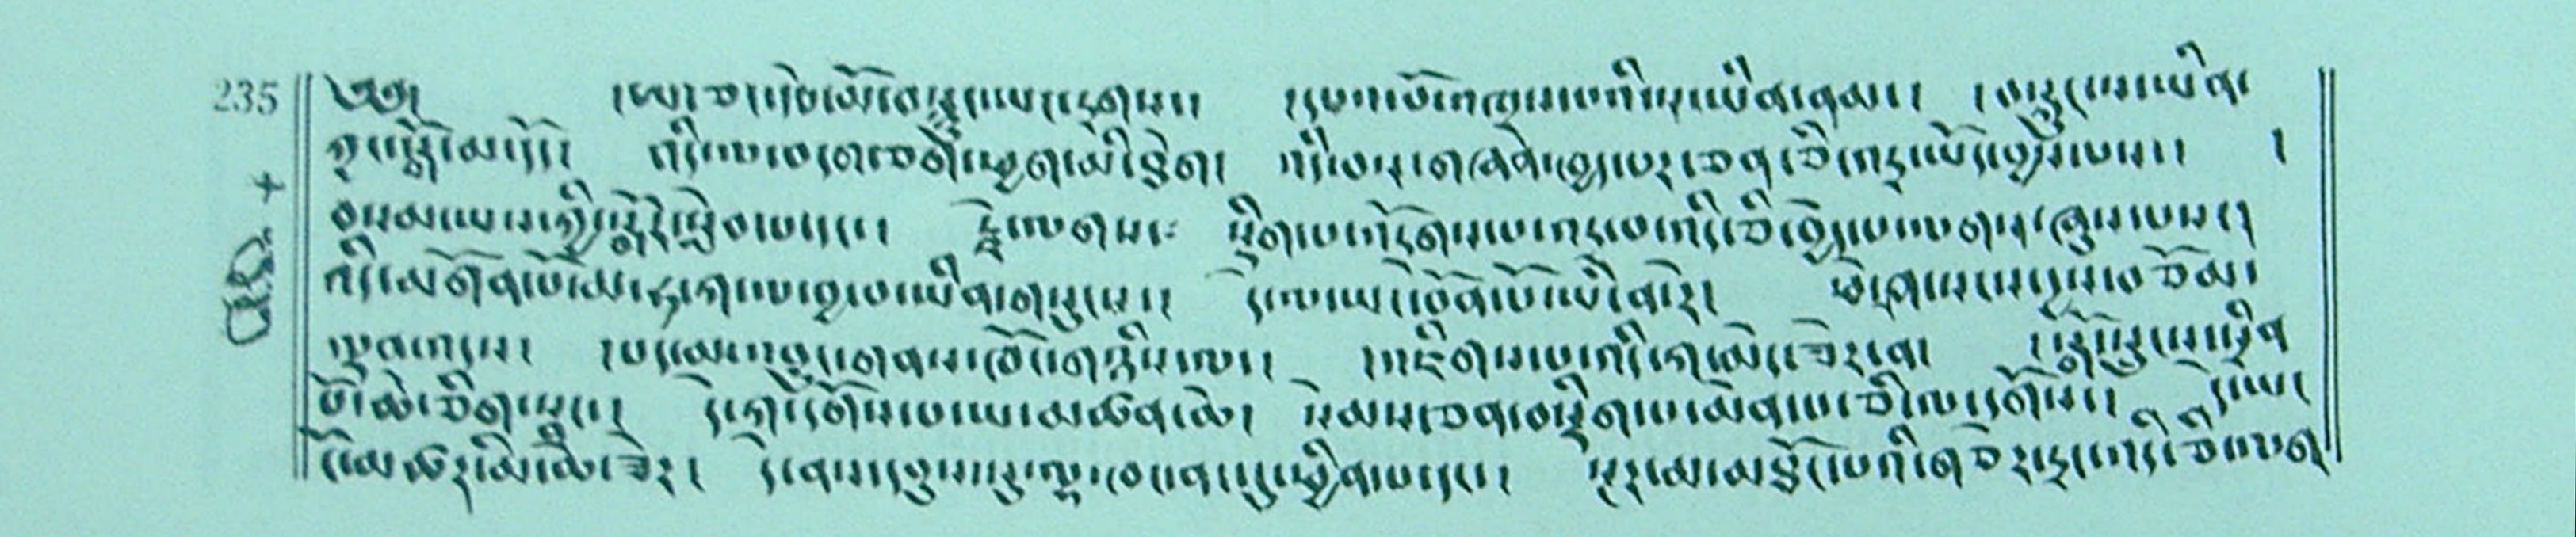༄༅། །ཨ་ཅང་རྩེ་མོ་བསྙུང་ཡང་དྲག་གསུངས། དཔའ་བོའི་འཁྲས་པའི་ཡིན་ནམ། བསྐུང་ས་ཡིན་
ཀྱང་སྒོ་མ་དོད། འདི་ལ་བདག་ཅག་ཕྱག་མི་ཐེག འདི་བས་གཞན་ཁྱད་པར་ཅན་ཅི་འདྲ་ཡོད་བྱས་པ་དང་།
 བསམ་ཡས་ཀྱི་སྒོར་སླེབ་པ་དང་། རྗེ་ལགས།་སྡིག་པ་འདྲོགས་པ་འདྲ་བ་འདི་ཅི་བྱེད་པ་ལགས།་ཞུས་པས། 
འདི་མགོན་པོ་མ་ཧཱ་ཀ་ལ་བྱ་བ་ཡིན་གསུངས། དེ་ལ་ཡང་བོན་པོ་ཡི་ན་རེ། ཕེ་ཤ་སངས་རྒྱས་བཅོམ་
ལྡན་འདས། པད་མ་འབྱུང་གནས་ཁོང་གཉིས་ལ། འཇིགས་པ་འདི་ཀ་མེད་ཟེར་ན། སྒོ་བསྲུང་སྲིན་
པོ་ཆེ་གཅིག་སྣང་། དེ་ཀ་དགོས་པ་ཡ་མཚན་ཆེ། སེམས་ཅན་སྡིག་པ་མེན་པ་ཅི་ལ་དགོས། དེ་ཡང་
ངོ་མཚར་མི་ཆེ་ཟེར། དེ་ནས་དབུས་སུ་ལྷ་ཁང་ནང་དུ་ཕྱིན་པ་དང་། སྔར་མ་མཐོང་པའི་གཅེར་དྲང་འདི་ཅི་ལགས་